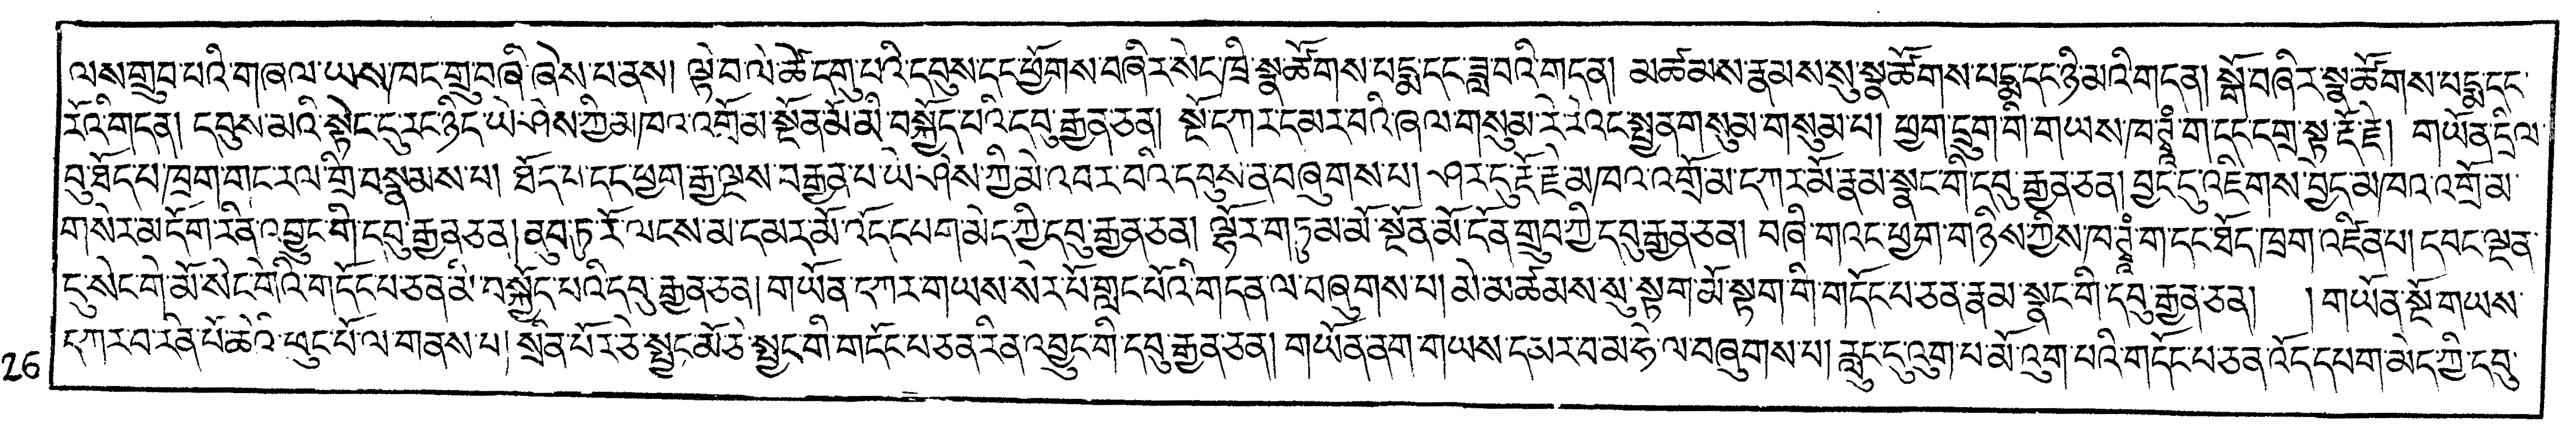ལས་གྲུབ་པའི་གཞལ་ཡས་ཁང་གྲུ་བཞི་ཞེས་པ་ནས། ལྟེ་བ་ལེ་ཚེ་དགུ་པའི་དབུས་དང་ཕྱོགས་བཞིར་སེང་ཁྲི་སྣ་ཚོགས་པདམ་དང་ཟླ་བའི་གདན། མཚམས་རྣམས་སུ་སྣ་ཚོགས་པདམ་དང་ཉི་མའི་གདན། སྒོ་བཞིར་སྣ་ཚོགས་པདམ་དང་
རོའི་གདན། དབུས་མའི་སྟེང་དུ་རང་ཉིད་ཡེ་ཤེས་ཀྱི་མཁའ་འགྲོ་མ་སྔོན་མོ་མི་བསྐྱོད་པའི་དབུ་རྒྱན་ཅན། སྔོ་དཀར་དམར་བའི་ཞལ་གསུམ་རེ་རེའང་སྤྱན་གསུམ་གསུམ་པ། ཕྱག་དྲུག་གི་གཡས་ཁ་ཊྭཱཾ་ག་དང་དགྲ་སྟ་རྡོ་རྗེ། གཡོན་དྲིལ་
བུ་ཐོད་པ་ཁྲག་གང་རལ་གྲི་བསྣམས་པ། ཐོད་པ་དང་ཕྱག་རྒྱ་ལྔས་བརྒྱན་པ་ཡེ་ཤེས་ཀྱི་མེ་འབར་བའི་དབུས་ན་བཞུགས་པ། ཤར་དུ་རྡོ་རྗེ་མཁའ་འགྲོ་མ་དཀར་མོ་རྣམ་སྣང་གི་དབུ་རྒྱན་ཅན། བྱང་དུ་འཇིགས་བྱེད་མཁའ་འགྲོ་མ་
གསེར་མདོག་རིན་འབྱུང་གི་དབུ་རྒྱན་ཅན། ནུབ་ཏུ་རོ་ལངས་མ་དམར་མོ་འོད་དཔག་མེད་ཀྱི་དབུ་རྒྱན་ཅན། ལྷོར་གཏུམ་མོ་སྔོན་མོ་དོན་གྲུབ་ཀྱི་དབུ་རྒྱན་ཅན། བཞི་གའང་ཕྱག་གཉིས་ཀྱིས་ཁ་ཊྭཱཾ་ག་དང་ཐོད་ཁྲག་འཛིན་པ། དབང་ལྡན་
དུ་སེང་གེ་མོ་སེང་གེའི་གདོང་པ་ཅན་མི་བསྐྱོད་པའི་དབུ་རྒྱན་ཅན། གཡོན་དཀར་གཡས་སེར་པོ་གླང་པོའི་གདན་ལ་བཞུགས་པ། མེ་མཚམས་སུ་སྟག་མོ་སྟག་གི་གདོང་པ་ཅན་རྣམ་སྣང་གི་དབུ་རྒྱན་ཅན། །གཡོན་སྔོ་གཡས་
དཀར་བ་རིན་པོ་ཆེའི་ཕུང་པོ་ལ་གནས་པ། སྲིན་པོར་ཅེ་སྤྱང་མོ་ཅེ་སྤྱང་གི་གདོང་པ་ཅན་རིན་འབྱུང་གི་དབུ་རྒྱན་ཅན། གཡོན་ནག་གཡས་དམར་བ་མ་ཧེ་ལ་བཞུགས་པ། རླུང་དུ་འུག་པ་མོ་འུག་པའི་གདོང་པ་ཅན་འོད་དཔག་མེད་ཀྱི་དབུ་